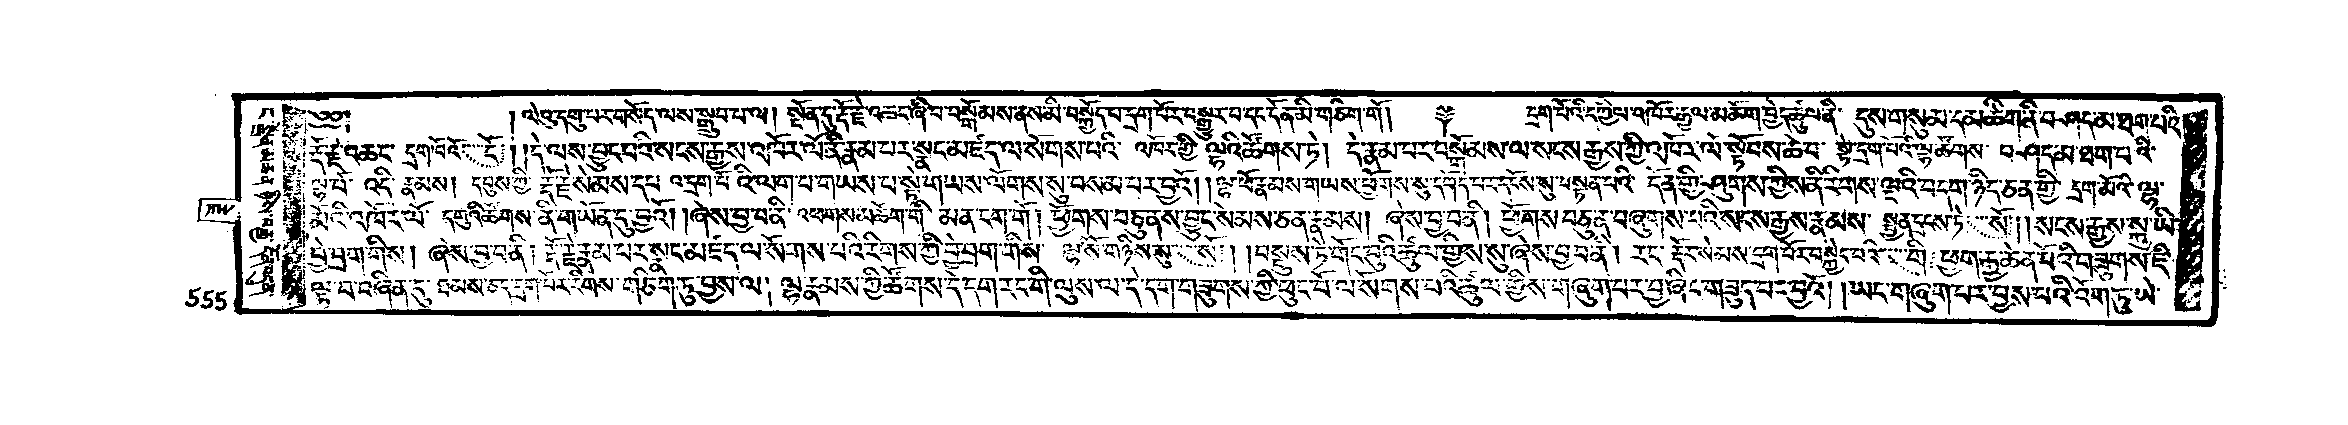༄༅། །ལེའུ་དགུ་པར་གསོད་ལས་སྒྲུབ་པ་ལ། སྔོན་དུ་རྡོ་རྗེ་འཆང་ཞི་པ་བསྒོམས་ནས་མི་བསྐྱོད་པ་དྲག་པོར་བསྒྱུར་བ་དང་དོན་མི་གཅིག་གོ ། ༈ དྲག་པོའི་དཀྱིལ་འཁོར་རྒྱལ་མཆོག་བྱེད་ཚུལ་ནི་དུས་གསུམ་དམ་ཚིག་ནི་བཤད་མ་ཐག་པའི་
རྡོ་རྗེ་འཆང་དྲག་པོའི་ངོ། །དེ་ལས་བྱུང་བའི་སངས་རྒྱས་འཁོར་ལོ་ནི་རྣམ་པར་སྣང་མཛད་ལ་སོགས་པའི་འཁོར་གྱི་ལྷའི་ཚོགས་ཏེ། དེ་རྣམ་པར་བསྒོམས་ལ་སངས་རྒྱས་ཀྱི་འཁོར་ལོ་སྟོབས་ཆེ་བ་སྟེ་དྲག་པོའི་ལྷ་ཚོགས་བཤད་མ་ཐག་པའི་
ལྷ་ཕོ་འདི་རྣམས། དབུས་ཀྱི་རྡོ་རྗེ་སེམས་དཔའ་དྲག་པོའི་ལག་པ་གཡས་པ་སྟེ་གཡས་ལོགས་སུ་བསམ་པར་བྱའོ། །ལྷ་ཕོ་རྣམས་གཡས་ཕྱོགས་སུ་དགོད་པར་དངོས་སུ་བསྟན་པའི་དོན་གྱི་ཤུགས་ཀྱིས་ནི་རིགས་ལྔའི་བདག་ཉིད་ཅན་གྱི་དྲག་མོའི་ལྷ་
མོའི་འཁོར་ལོ་དགུའི་ཚོགས་ནི་གཡོན་དུ་བྱའོ། །ཞེས་བྱ་བ་ནི་འཕགས་མཆོག་གི་མན་ངག་གོ །ཕྱོགས་བཅུ་ནས་བྱུང་སེམས་ཅན་རྣམས། ཞེས་བྱ་བ་ནི། ཕྱོགས་བཅུ་ན་བཞུགས་པའི་སངས་རྒྱས་རྣམས་སྤྱན་དྲངས་ཏེ་སོ། །སངས་རྒྱས་སྐུ་ཡི་
བྱེ་བྲག་གིས། ཞེས་བྱ་བ་ནི། རྡོ་རྗེ་རྣམ་པར་སྣང་མཛད་ལ་སོགས་པའི་རིགས་ཀྱི་བྱེ་བྲག་གིས་ལྷ་སོ་གཉིས་སུ་སོ། །བསྡུས་ཏེ་གོང་བུའི་ཚུལ་གྱིས་སུ་ཞེས་བྱ་བ་ནི། རང་རྡོར་སེམས་དྲག་པོར་བསྐྱེད་པའི་གི་ཕྱག་རྒྱ་ཆེན་པོའི་གཟུགས་ཇི་
ལྟ་བ་བཞིན་དུ་ཐམས་ཅད་དྲག་པོར་རིགས་གཅིག་ཏུ་བྱས་ལ། ལྷ་རྣམས་ཀྱི་ཚོགས་དེ་དག་རང་གི་ལུས་ལ་དེ་དག་གཟུགས་ཀྱི་ཕུང་པོ་ལ་སོགས་པའི་ཚུལ་གྱིས་གཞུག་པར་བྱ་ཞིང་གཟུང་བར་བྱའོ། །ཡང་གཞུག་པར་བྱས་པའི་འོག་ཏུ་ཡེ་